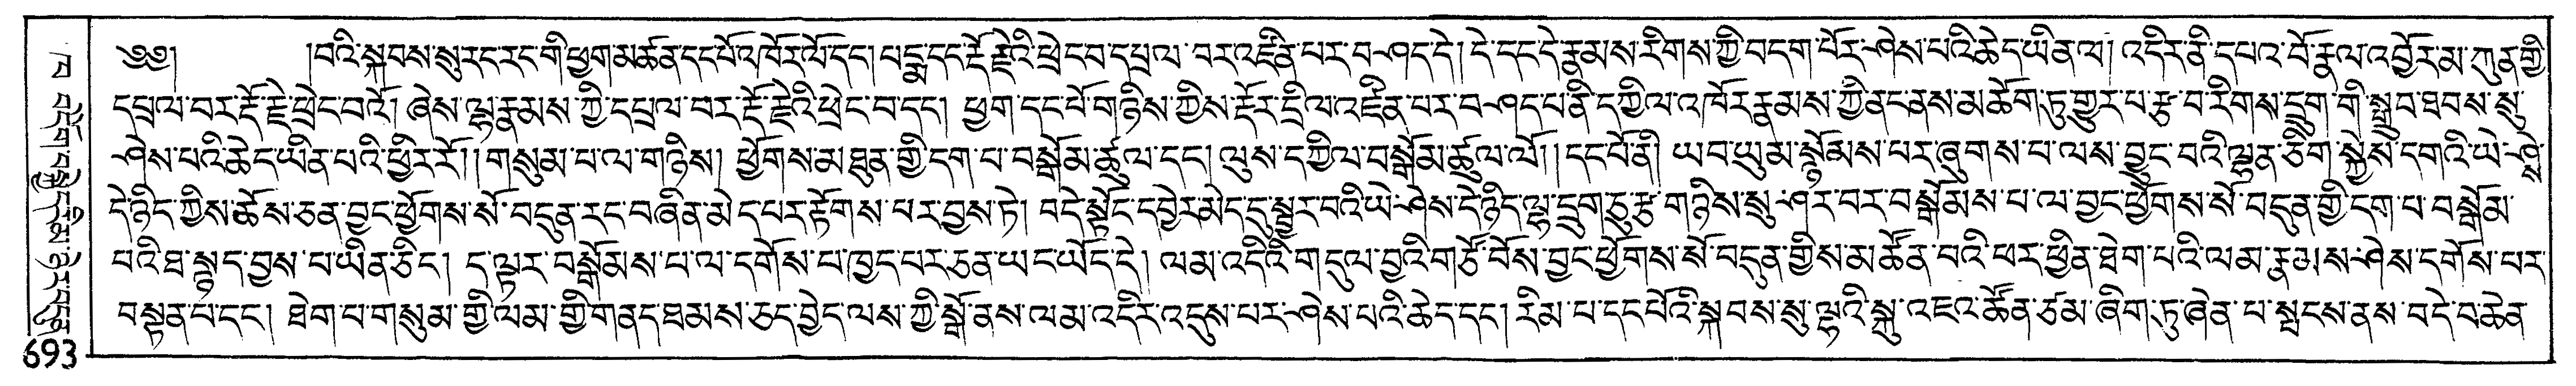༄༅། །བའི་སྐབས་སུ་རང་རང་གི་ཕྱག་མཚན་དང་པོ་འཁོར་ལོ་དང་། པདམ་དང་རྡོ་རྗེའི་ཕྲེང་བ་དཔྲལ་བར་འཛིན་པར་བཤད་དེ། དེ་དང་དེ་རྣམས་རིགས་ཀྱི་བདག་པོར་ཤེས་པའི་ཆེད་ཡིན་ལ། འདིར་ནི་དཔའ་བོ་རྣལ་འབྱོར་མ་ཀུན་གྱི་
དཔྲལ་བར་རྡོ་རྗེ་ཕྲེང་བའོ། ཞེས་ལྷ་རྣམས་ཀྱི་དཔྲལ་བར་རྡོ་རྗེའི་ཕྲེང་བ་དང་། ཕྱག་དང་པོ་གཉིས་ཀྱིས་རྡོར་དྲིལ་འཛིན་པར་བཤད་པ་ནི་དཀྱིལ་འཁོར་རྣམས་ཀྱི་ནང་ནས་མཆོག་ཏུ་གྱུར་པ་རྩ་བ་རིགས་དྲུག་གི་སྒྲུབ་ཐབས་སུ་
ཤེས་པའི་ཆེད་ཡིན་པའི་ཕྱིར་རོ། །གསུམ་པ་ལ་གཉིས། ཕྱོགས་མཐུན་གྱི་དག་པ་བསྒོམ་ཚུལ་དང་། ལུས་དཀྱིལ་བསྒོམ་ཚུལ་ལོ། །དང་པོ་ནི། ཡབ་ཡུམ་སྙོམས་པར་ཞུགས་པ་ལས་བྱུང་བའི་ལྷན་ཅིག་སྐྱེས་དགའི་ཡེ་ཤེས་
དེ་ཉིད་ཀྱིས་ཆོས་ཅན་བྱང་ཕྱོགས་སོ་བདུན་རང་བཞིན་མེད་པར་རྟོགས་པར་བྱས་ཏེ། བདེ་སྟོང་དབྱེར་མེད་དུ་སྦྱར་བའི་ཡེ་ཤེས་དེ་ཉིད་ལྷ་དྲུག་ཅུ་རྩ་གཉིས་སུ་ཤར་བར་བསྒོམས་པ་ལ་བྱང་ཕྱོགས་སོ་བདུན་གྱི་དག་པ་བསྒོམ་
པའི་ཐ་སྙད་བྱས་པ་ཡིན་ཅིང་། ད་ལྟར་བསྒོམས་པ་ལ་དགོས་པ་ཁྱད་པར་ཅན་ཡང་ཡོད་དེ། ལམ་འདིའི་གདུལ་བྱའི་གཙོ་བོས་བྱང་ཕྱོགས་སོ་བདུན་གྱིས་མཚོན་པའི་ཕར་ཕྱིན་ཐེག་པའི་ལམ་རྣམས་ཤེས་དགོས་པར་
བསྟན་པ་དང་། ཐེག་པ་གསུམ་གྱི་ལམ་གྱི་གནད་ཐམས་ཅད་བྱེད་ལས་ཀྱི་སྒོ་ནས་ལམ་འདིར་འདུས་པར་ཤེས་པའི་ཆེད་དང་། རིམ་པ་དང་པོའི་སྐབས་སུ་ལྷའི་སྐུ་འཇའ་ཚོན་ཙམ་ཞིག་ཏུ་ཞེན་པ་སྤངས་ནས་བདེ་བ་ཆེན་